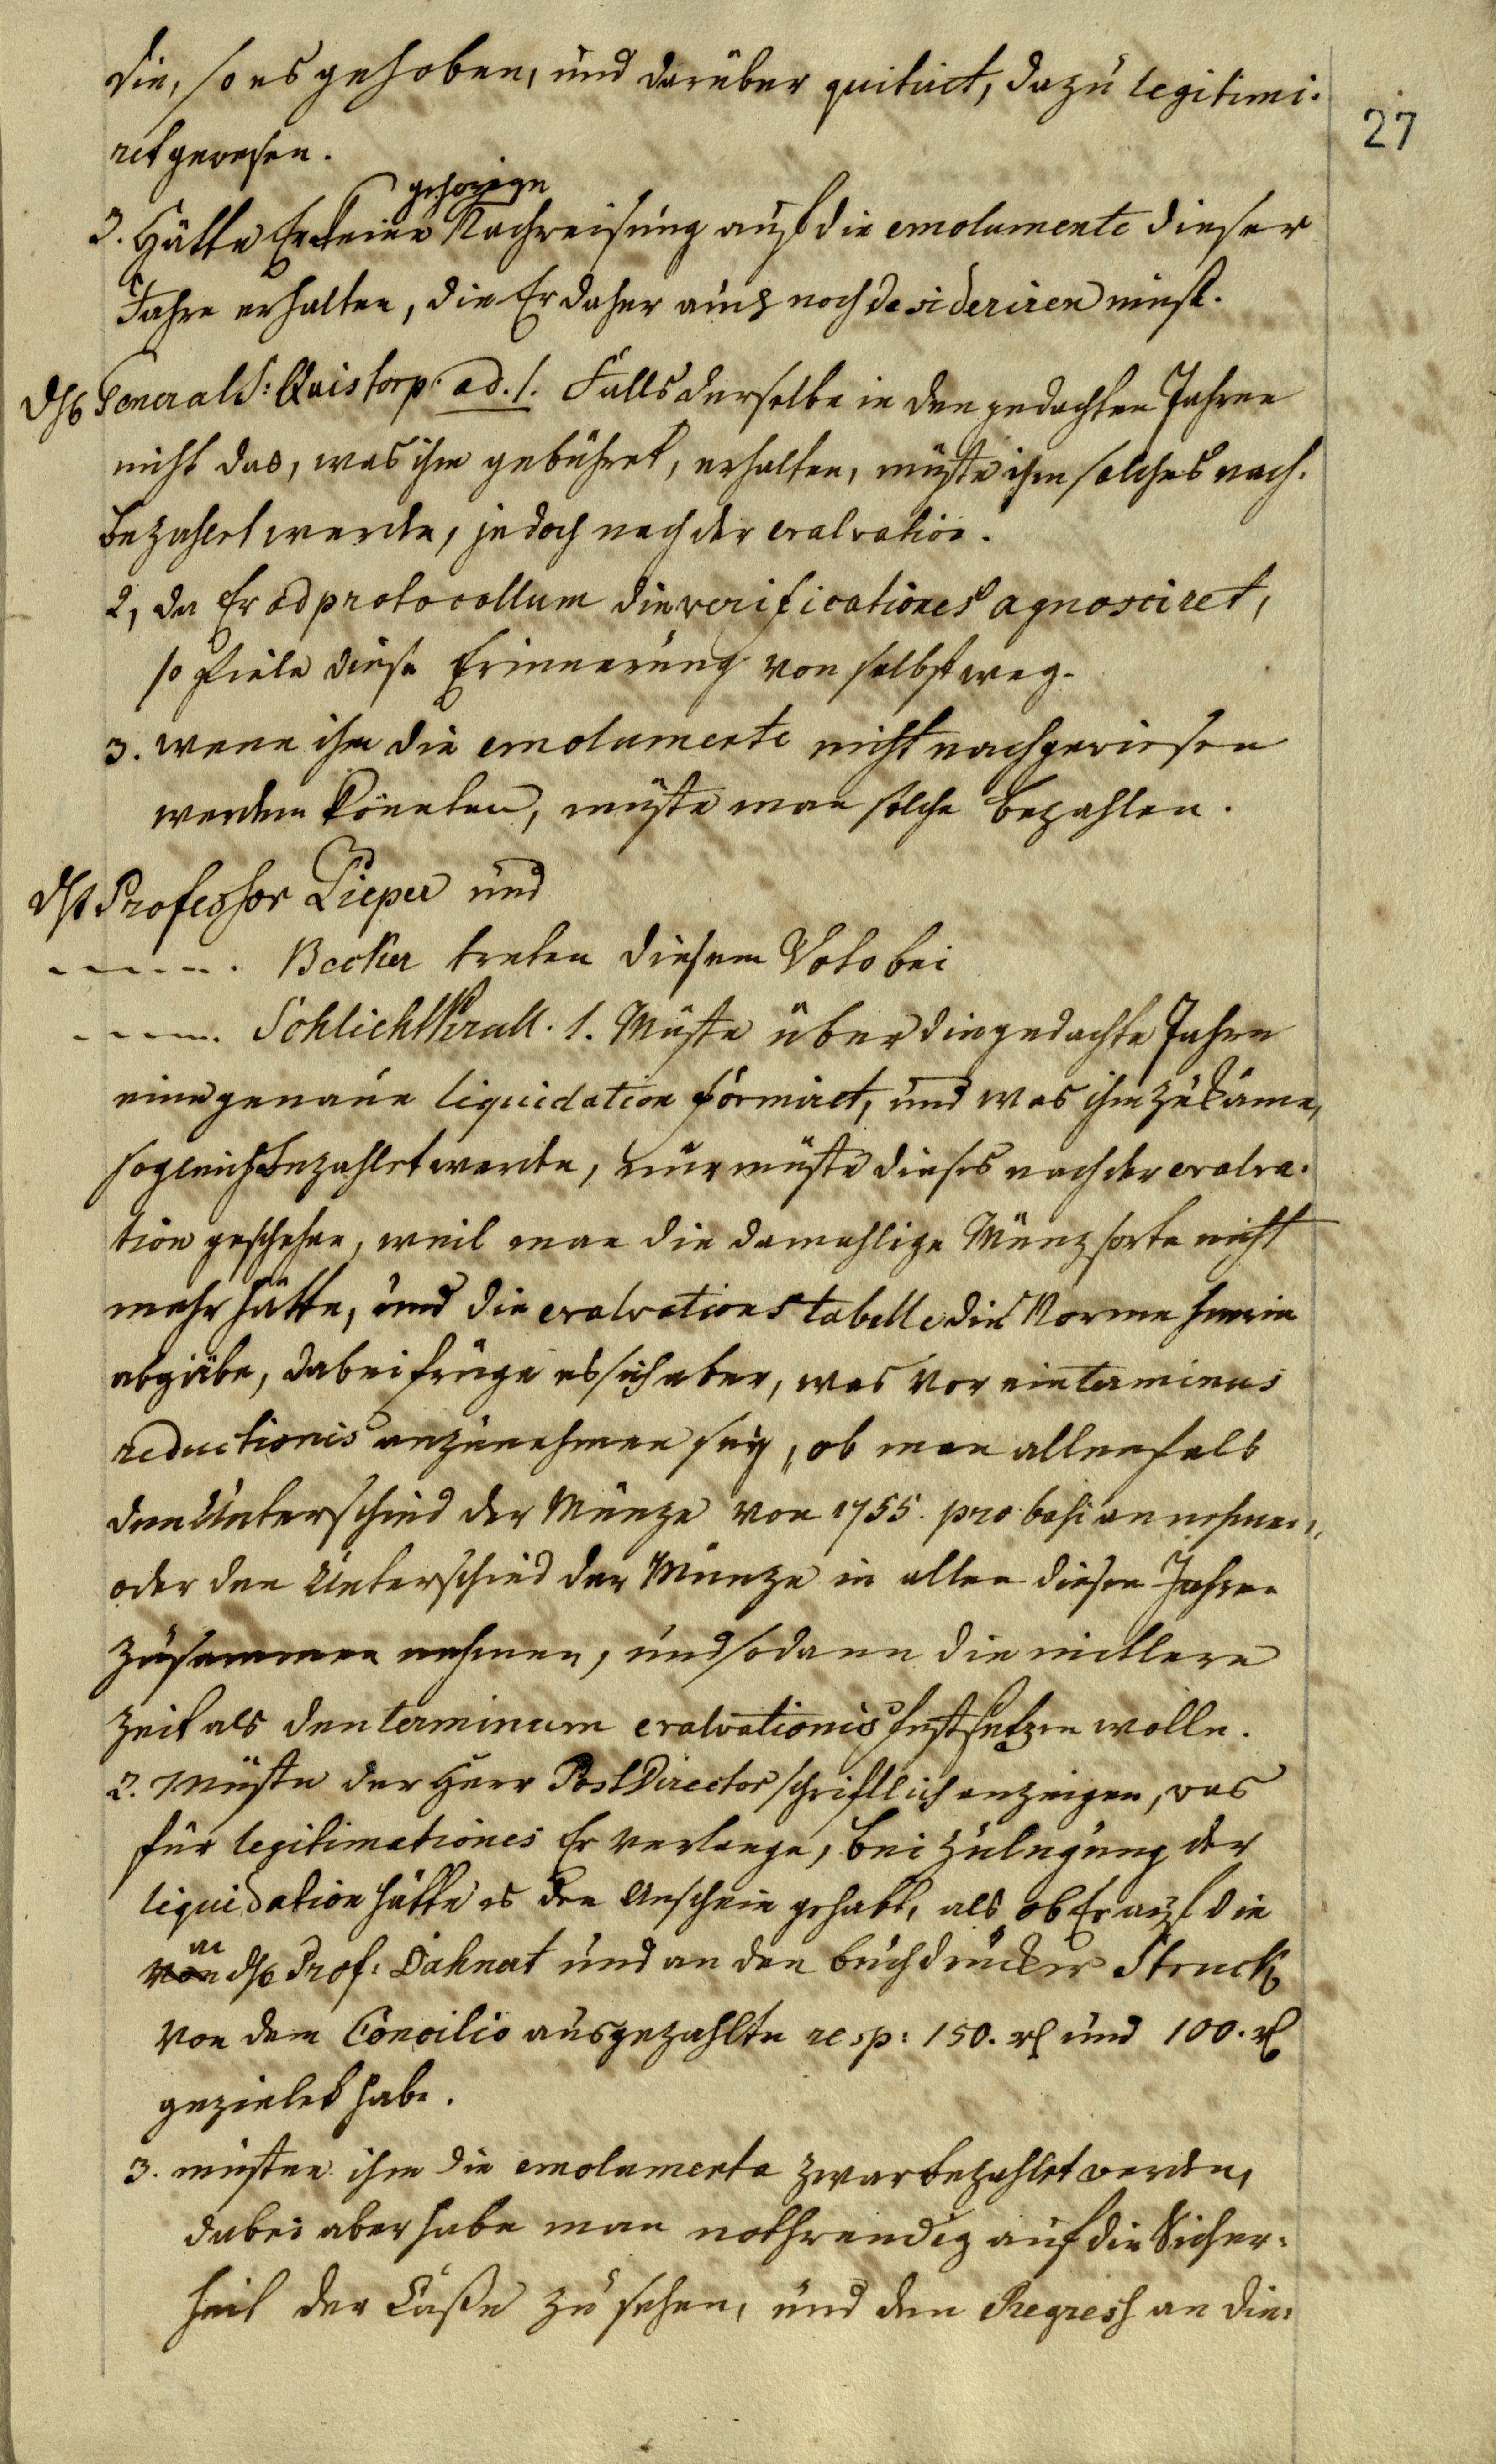die, so es gehoben, und darüber quittiret, dazu legitimi¬
ret gewesen.
3. Hätte Er keine gehörige Nachweisung auf die emolumente dieser
Jahre erhalten, die Er daher auch noch desideriren müße.
dh GeneralS. Quistorp ad. 1. Falls derselbe in den gedachten Jahren
nicht das, was ihm gebühret, erhalten, müßte ihm solches nach¬
bezahlet werden, jedoch nach der eratration.
2, da Er ad protocollum die verificationes agnosciret,
so fiele diese Erinnerung von selbst weg.
3. wenn ihm die emolumente nicht nachgewiesen
werden könnten, müßte man solche bezahlen.
dh Professor Pieper und
Becker treten diesem Voto bei
Schlichtkrull. 1. Müßte über die gedachte Jahre
eine genaue liquidation formiret, und was ihm zukäme,
sogleich bezahlet werden, nur müßte dieses nach der eratra¬
tion geschehen, weil man die damahlige Münzsorte nicht
mehr hätte, und die eratrationstabelle die Norme hierin
abgäbe, dabei früge es sich aber, was vor ein terminus
reductionis anzunehmen seÿ, ob man allenfals
dem Unterschied der Münze von 1755 pro basi annehmen,
oder den Unterschied der Münze in allen diesen Jahren
zusammen nehmen, und sodann die mittlere
Zeit als den terminum eratrationis festsetzen wolle.
2. Müßte der Herr PostDirector schriftlich anzeigen, was
für legitimationes Er verlange, bei Zulegung der
liquidation hätte es den Anschein gehabt, als ob Er auf die
an dh Prof. Dähnert und an den Buchdrucker Struck
von dem Concilio ausgezahlte resp. 150 rt und 100 rt
gezielet habe.
3. müßten ihm die emolumente zwar bezahlet werden,
dabei aber habe man nothwendig auf die Sicher¬
heit der Caße zu sehen, und dem Regress an die¬